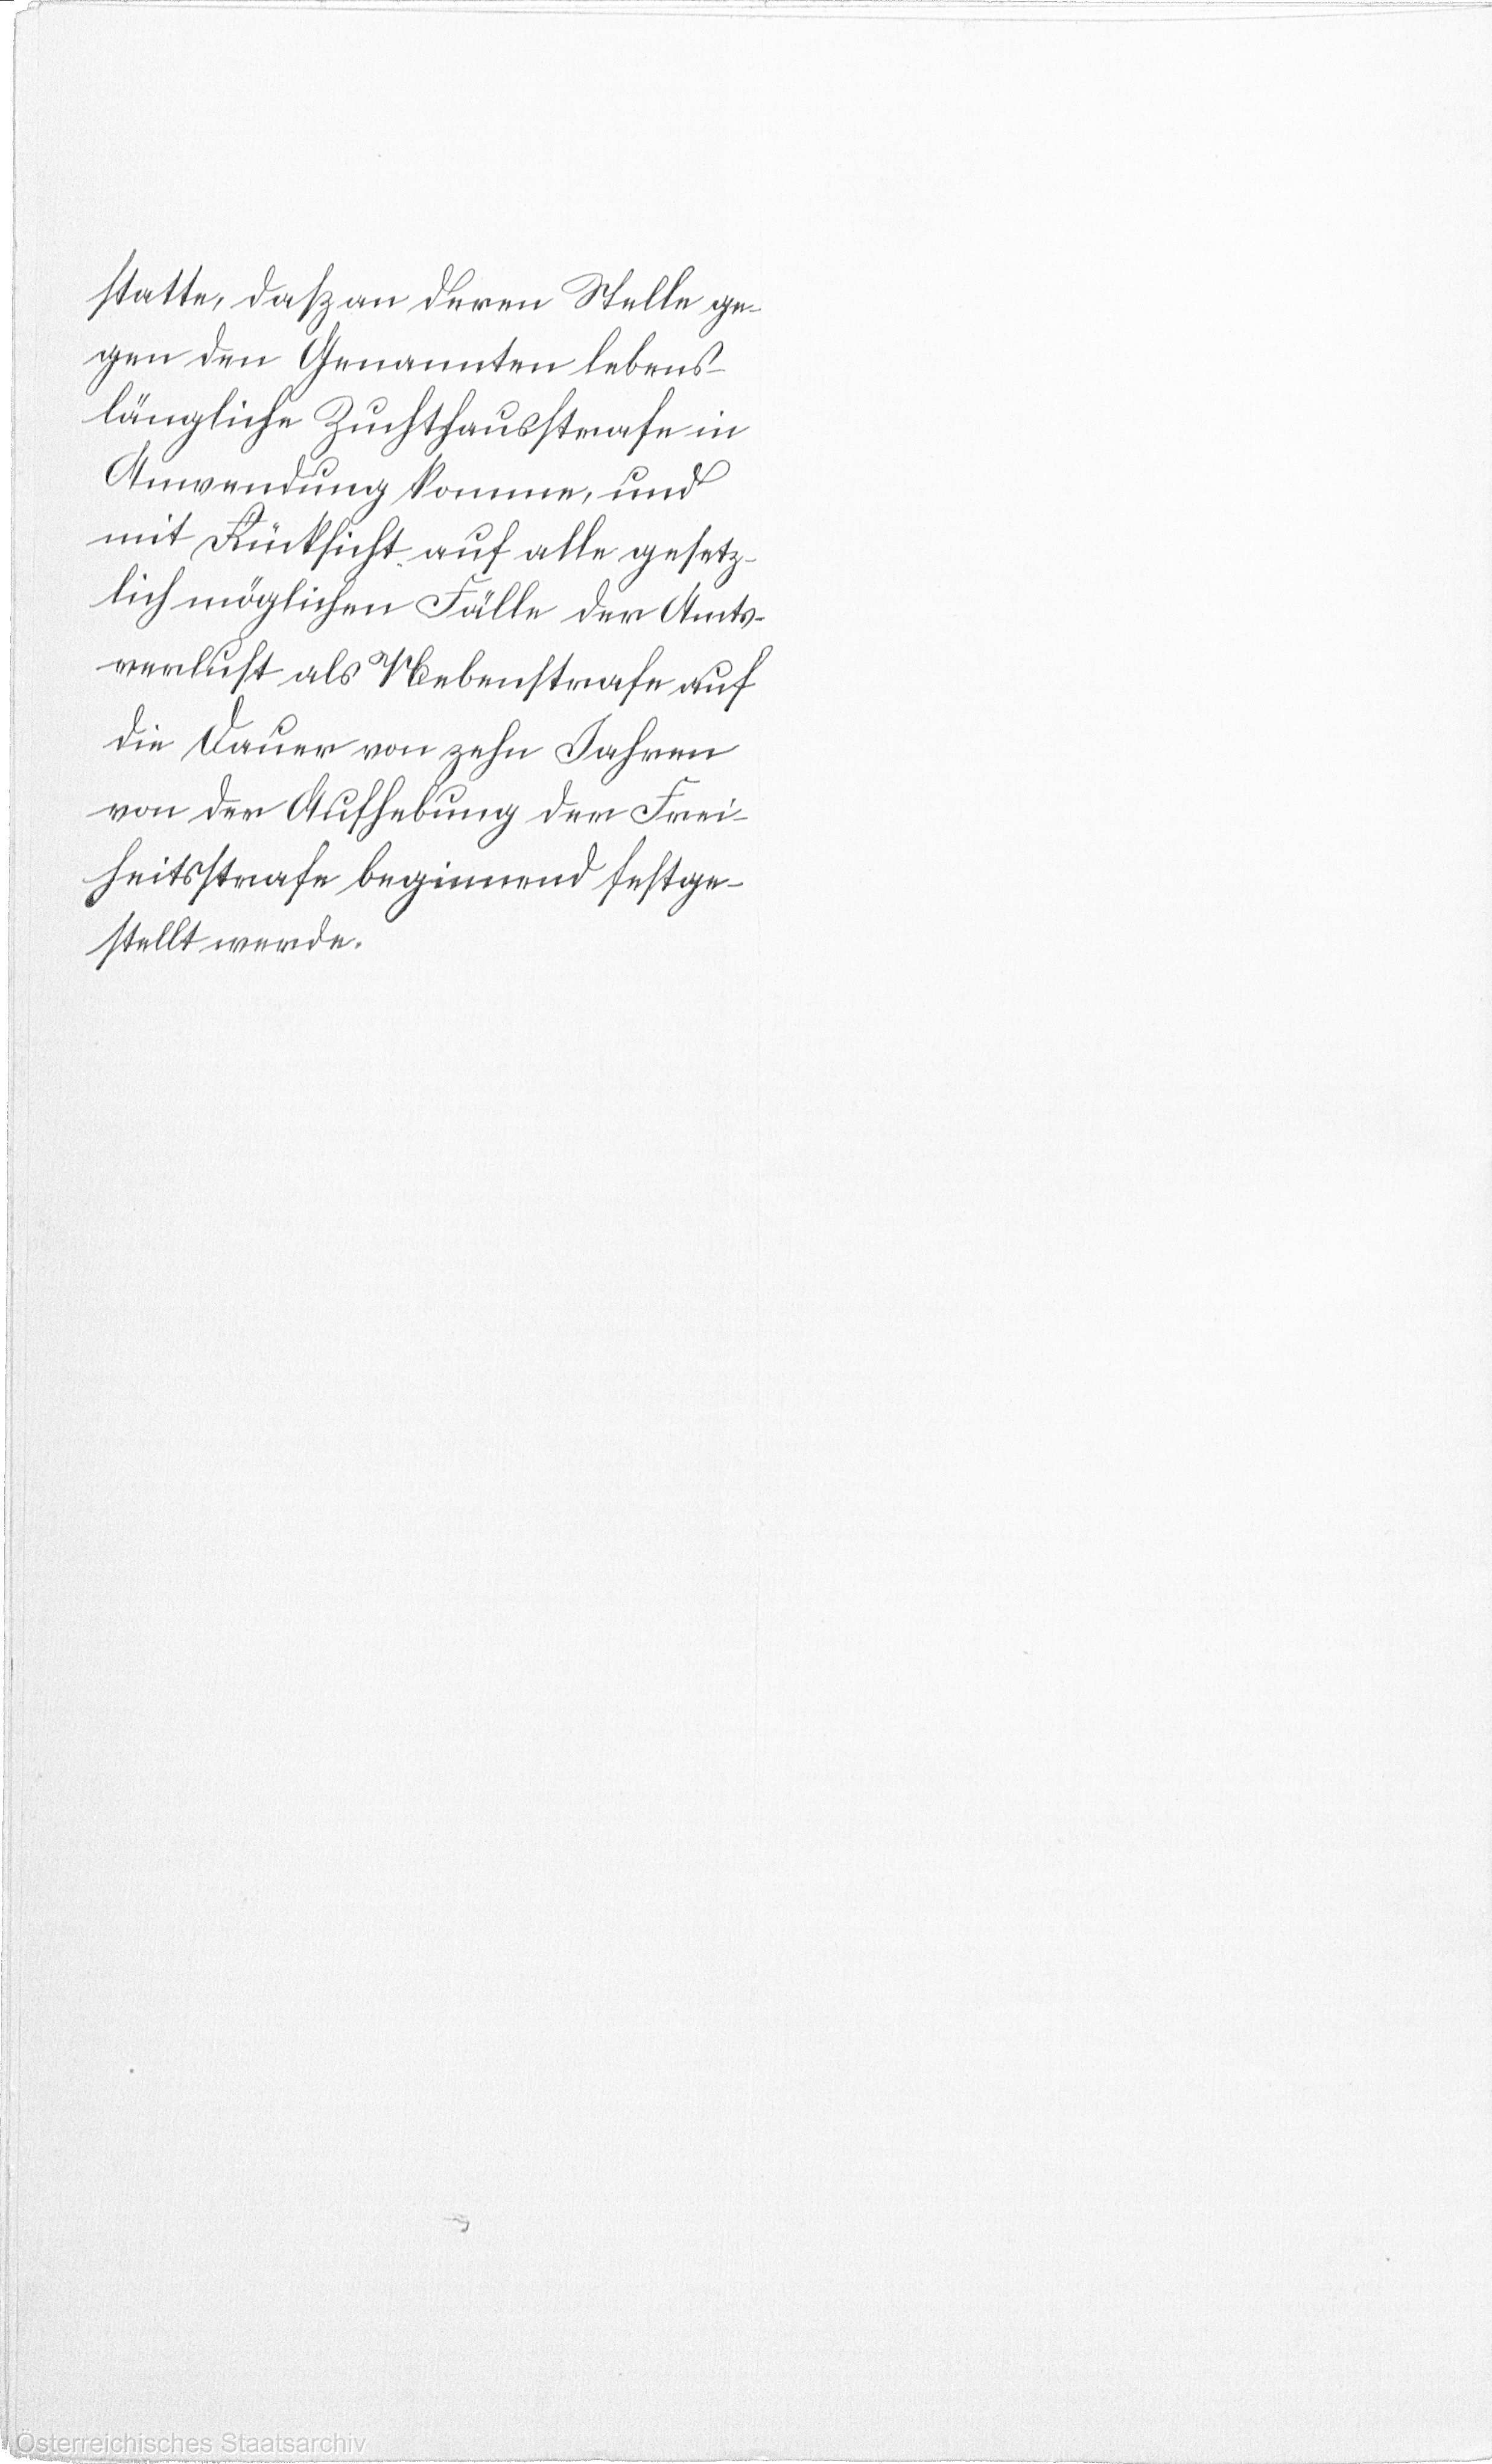statte, daß an deren Stelle ge¬
gen den Genannten lebens¬
längliche Zuchthausstrafe in
Anwendung komme, und
mit Rücksicht auf alle gesetz¬
lich möglichen Fälle der Amts¬
verlust als Nebenstrafe auf
die Dauer von zehn Jahren
von der Aufhebung der Frei¬
heitsstrafe beginnend festge¬
stellt werde.